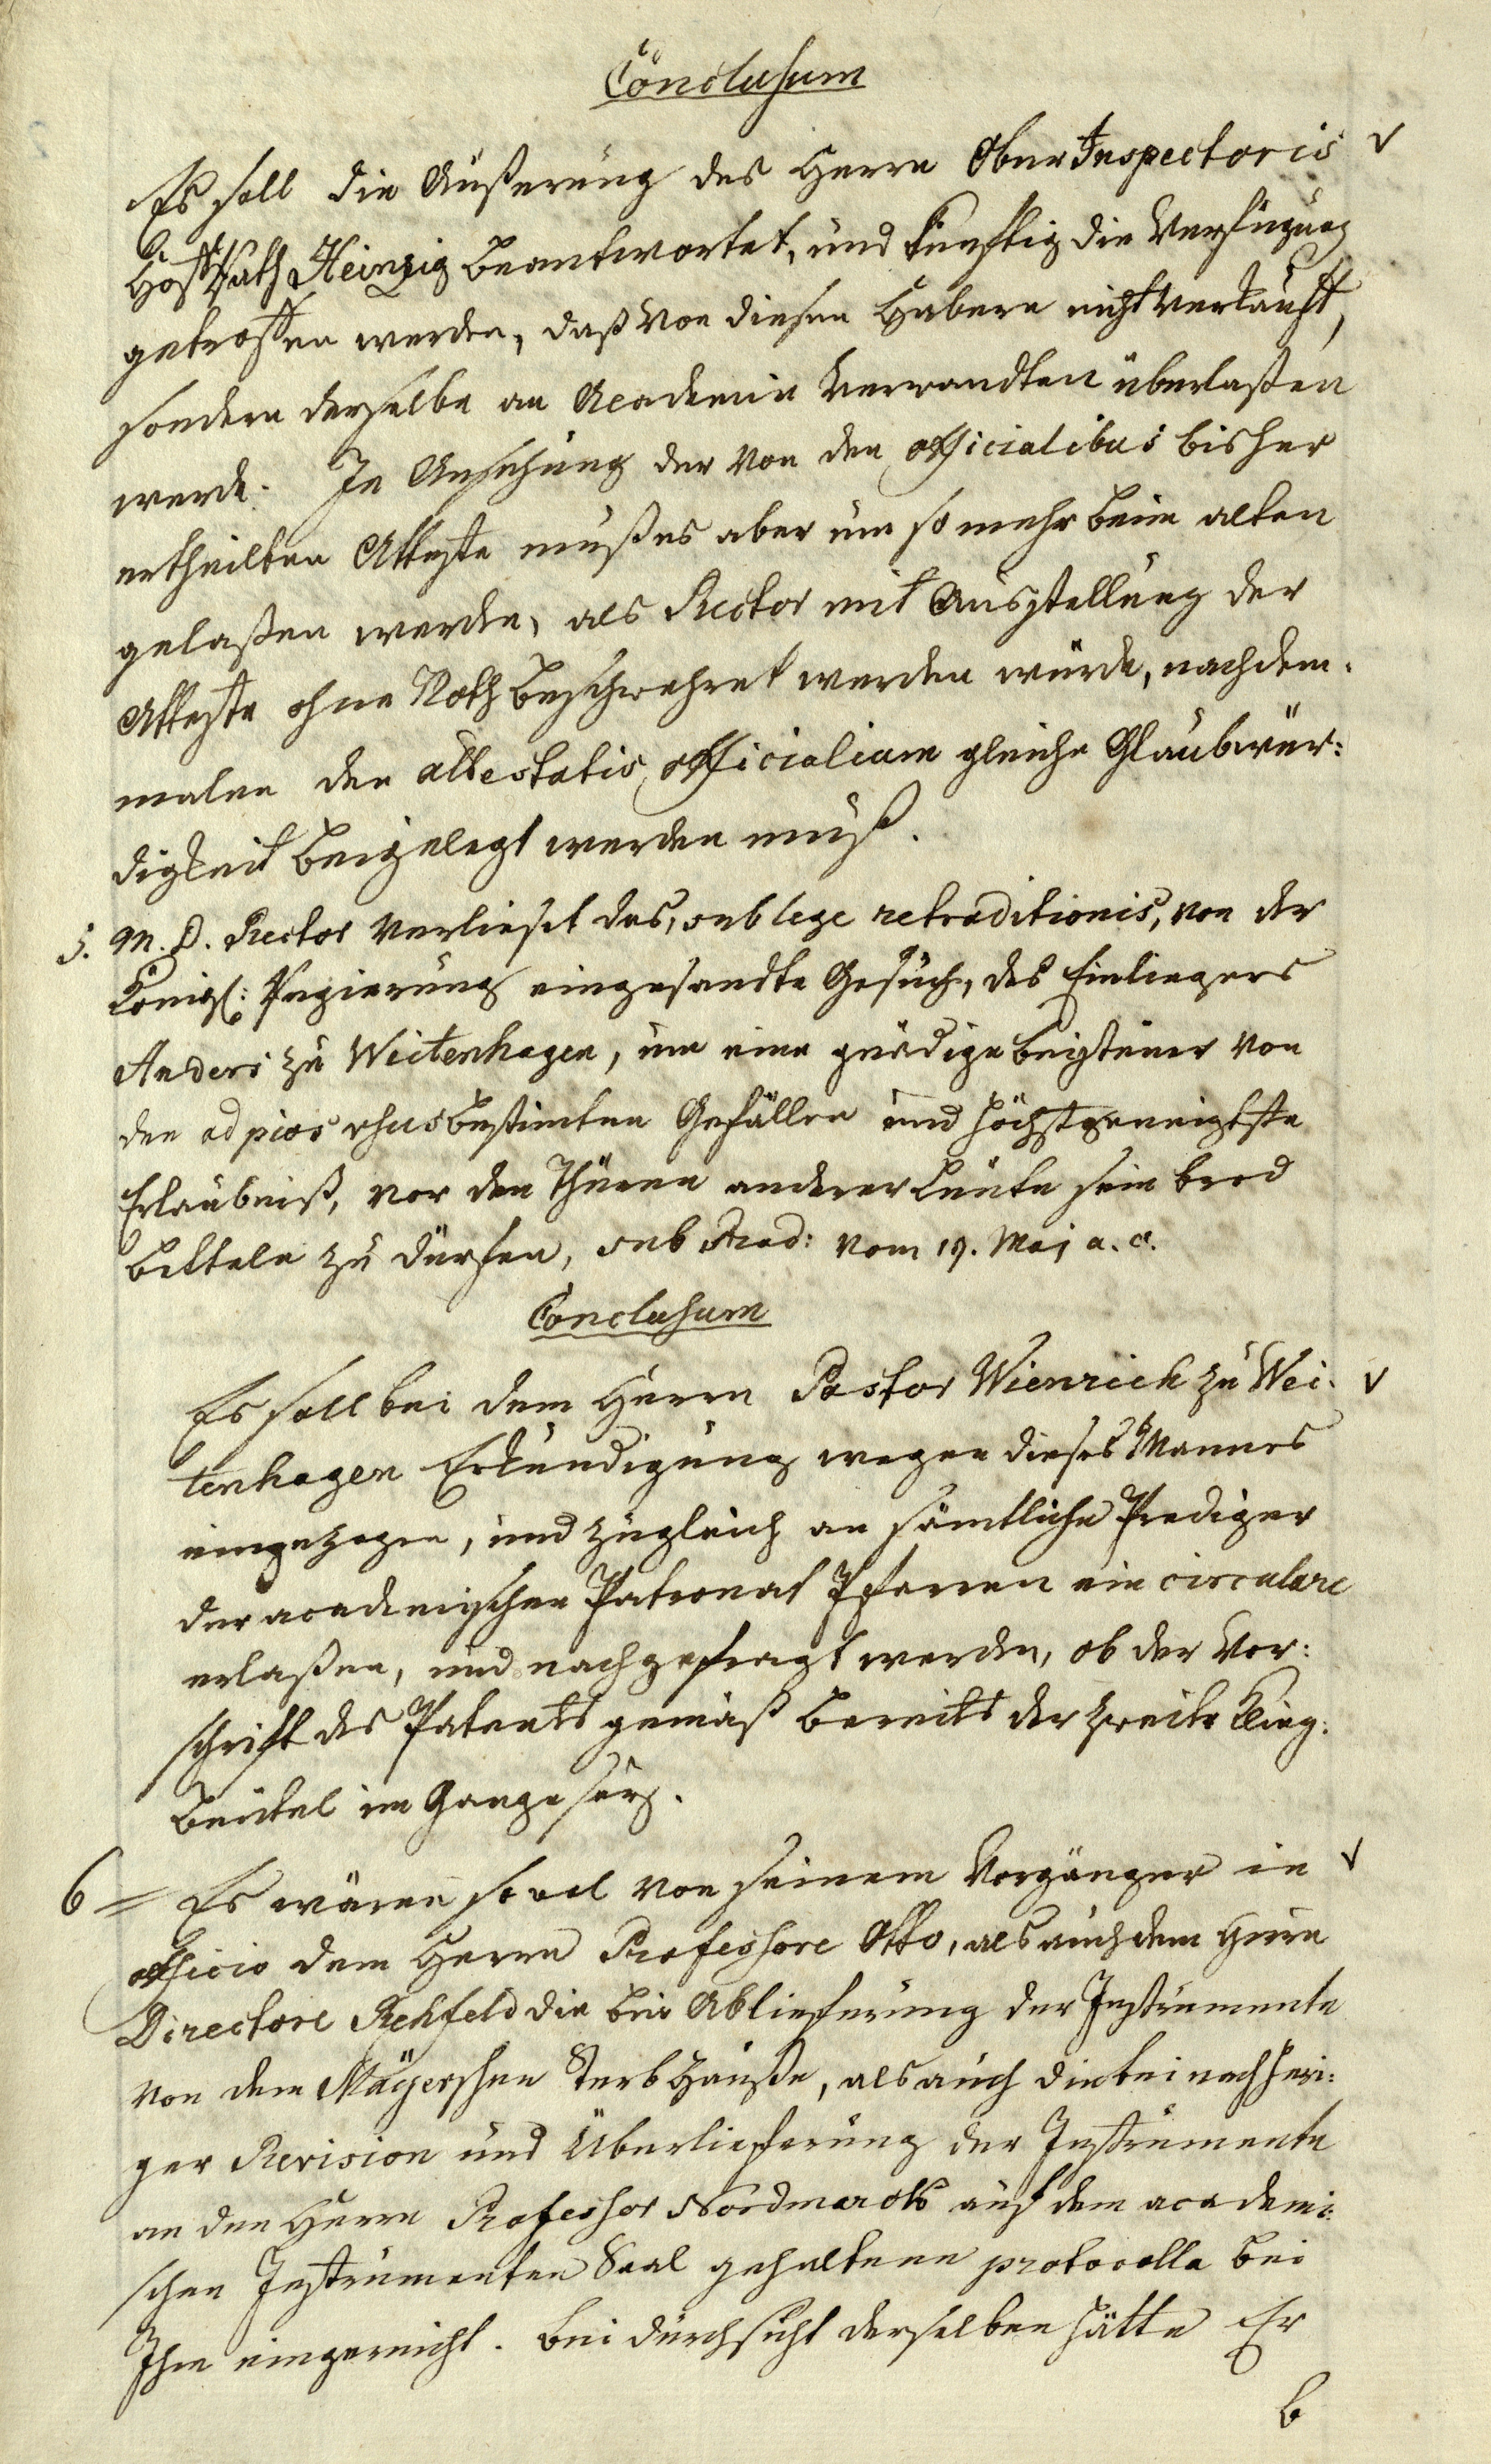Conclusum
es soll die Äußerung des Herrn Ober Inspectoris
HofRath Heinzig beantwortet und künftig die Verfügung
getroffen werden, daß von diesem Habern nicht verkauft,
sondern derselbe an Academie Verwandten überlaßen
werde. In Ansehung der von dem officialibus bisher
ertheilten Atteste muß es aber um so mehr beim alten
gelaßen werden, als Rector mit Ausstellung der
Atteste ohne Noth beschwehret werden würde, nachdem¬
malen den attestatis officialium gleiche Glaubwür¬
digkeit beigelegt werden muß.
5. M. D. Rector verlieset das, sub lege retraditionis, von der
Königl. Regierung eingesandte Gesuch, des Einliegers
Anders zu Weitenhagen, um eine gnädige Beÿsteuer von
den ad pios ehus bestimten Gefällen und höchstgeneigteste
Erlaubniß, vor den Thüren anderer Leute sein Brod
betteln zu dürfen, sub Prad. vom 19. Maj a. c.
Conclusum
Es soll bei dem Herrn Pastor Wienrich zu Wei¬
tenhagen Erkundigung wegen dieses Mannes
eingezogen, und zugleich an sämtliche Prediger
der academischen Patronat Pfarren ein circulare
erlaßen, und nachgefragt werden, ob der Vor¬
schrift des Patents gemäß bereits der zweite Kling¬
beutel im Gange seÿ.
6. Es wären sowol von seinem Vorgänger in
officio dem Herrn Professore Otto, als auch dem Herrn
Directore Rehfeld die bei Ablieferung der Instrumente
von dem Maÿerschen Sterb Hauße, als auch die bei nachheri¬
ger Revision und Überlieferung der Instrumente
an den Herrn Professor Nordmarck auf dem academi¬
schen Instrumenten Saal gehaltene protocolla bei
Ihm eingereicht. Bei Durchsicht derselben hätte Er